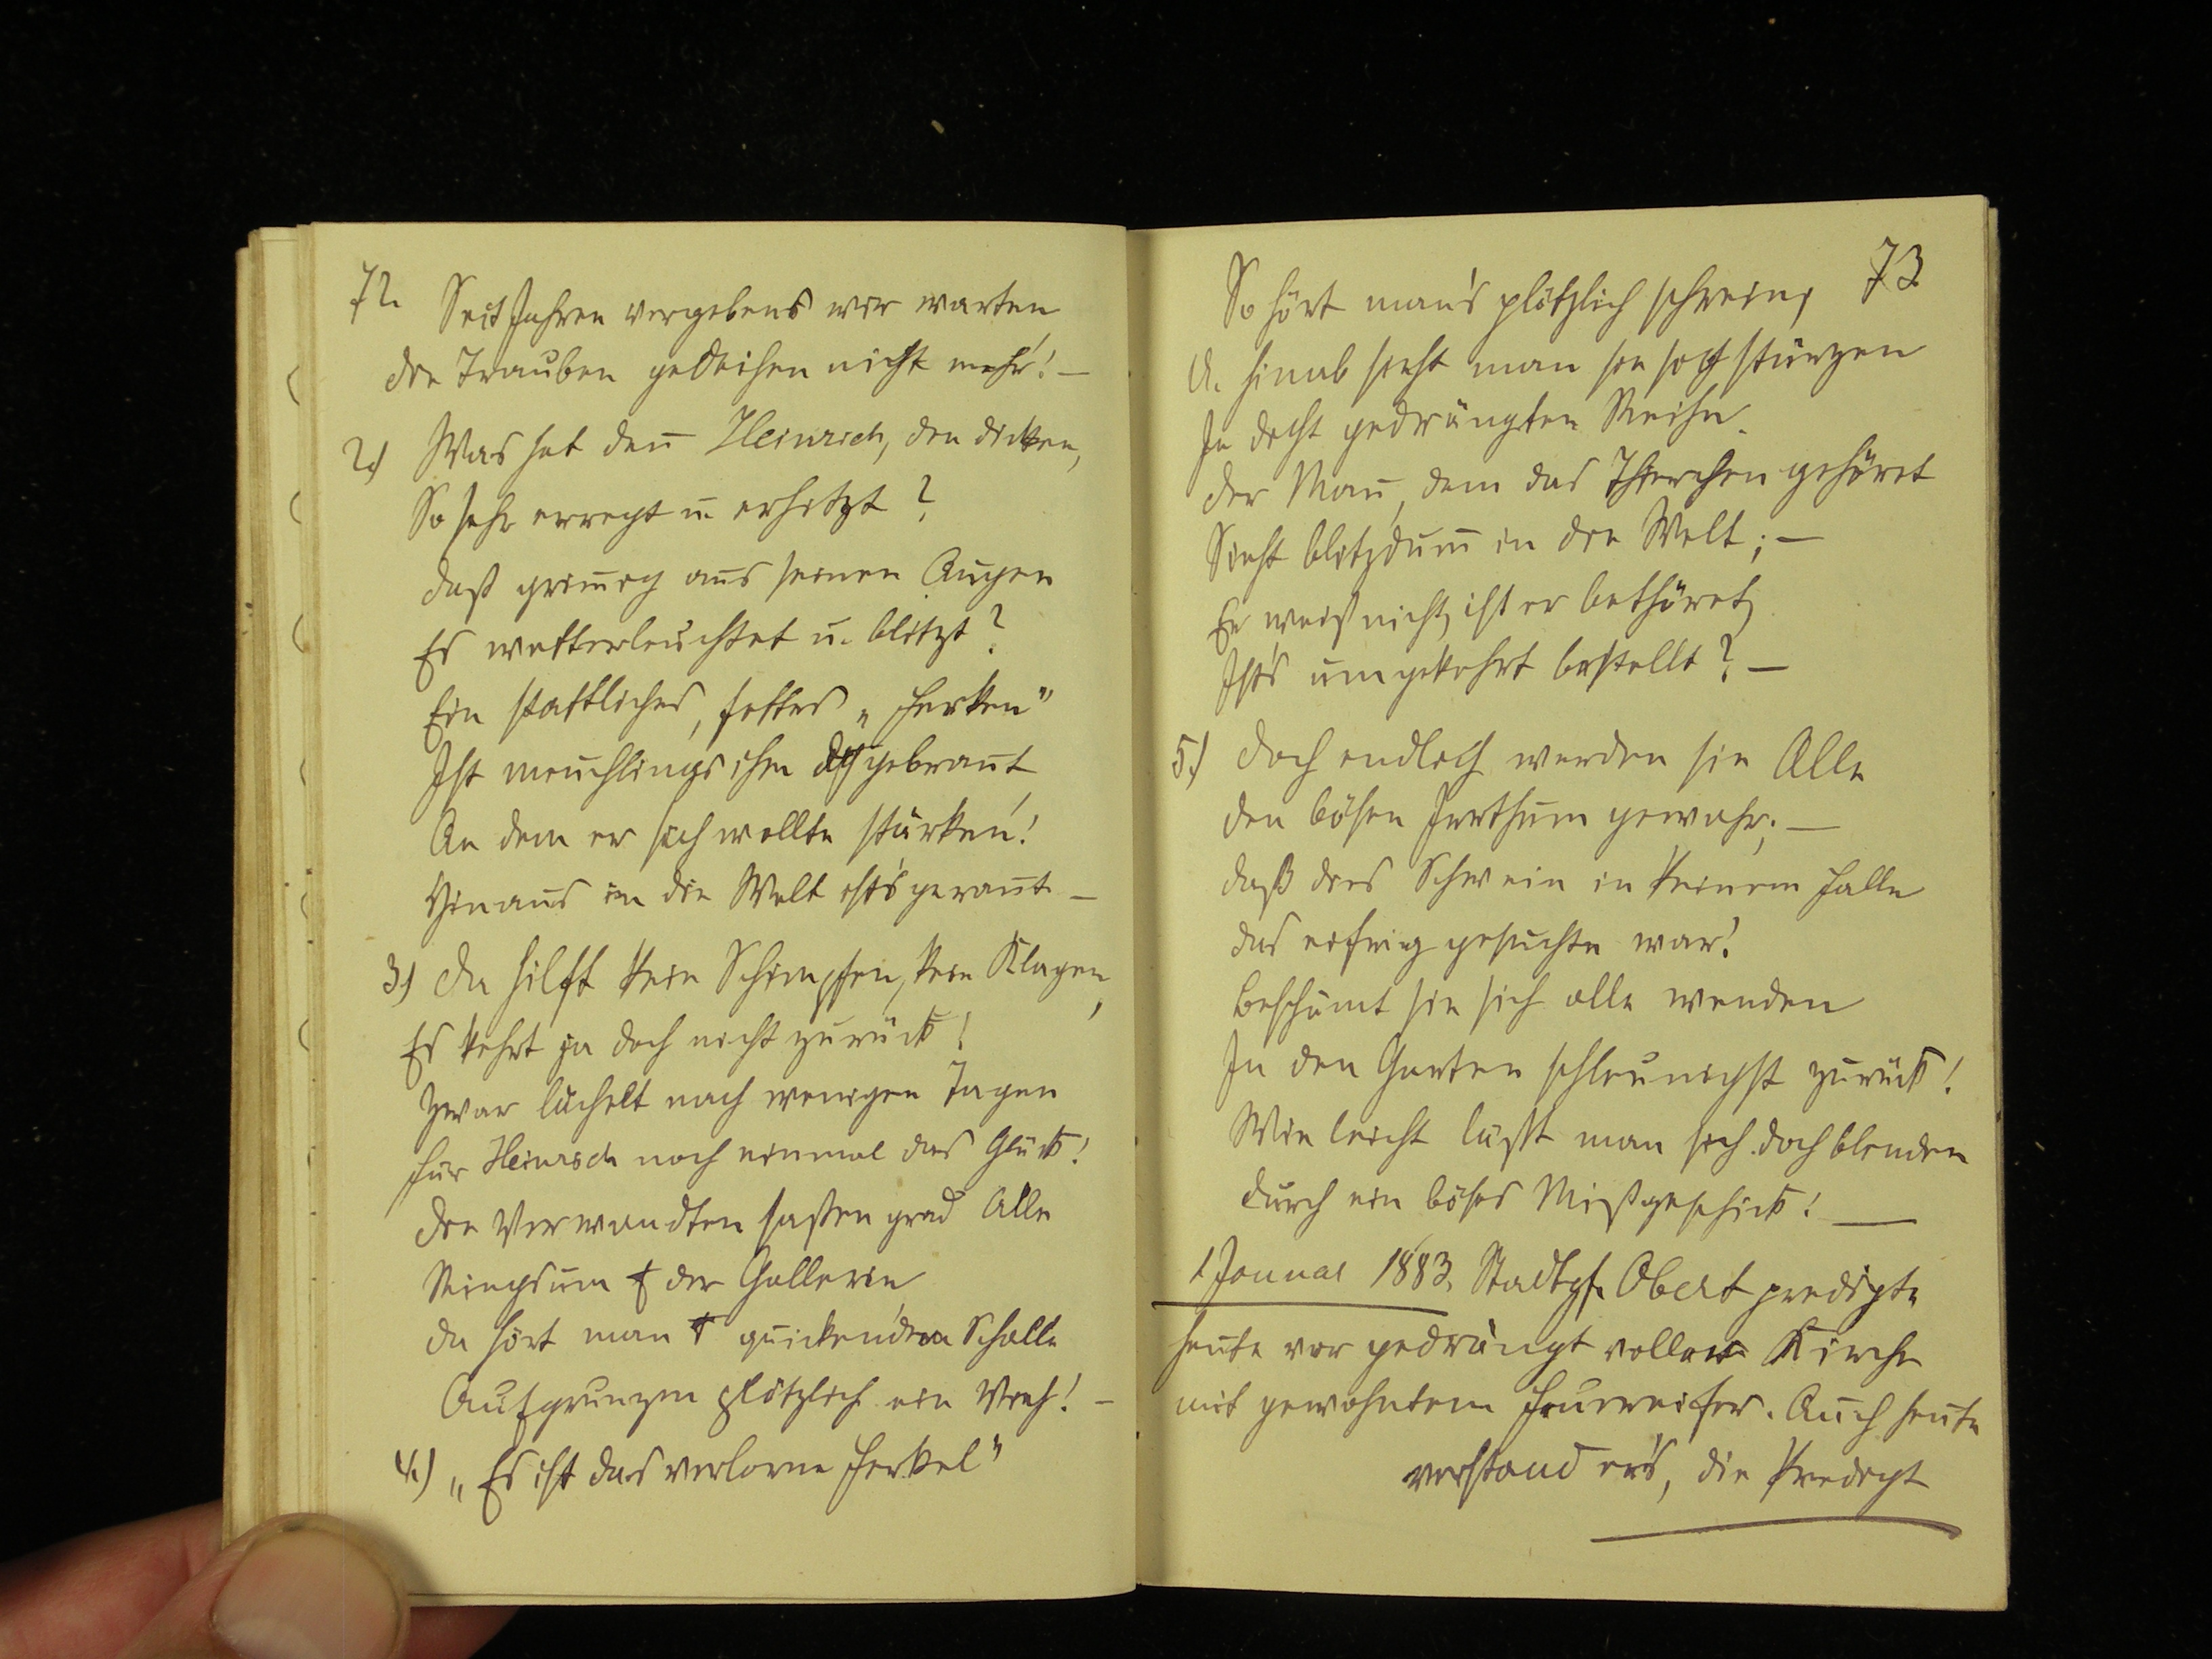72
Seit Jahren vergebens wir warten
Die Trauben gedeihen nicht mehr!-
2) Was hat den Heinrich, den Dicken
So sehr erregt und erhitzt ?
Daß grimmig aus seinen Augen
Es wetterleuchtet und blitzt?
Ein stattliches, fettes „ Ferken“
Ist meuchlings ihm durchgebrannt
An dem er sich wollte stärken !
hinaus in die Welt ist‘s gerannt.
3) Da hilft kein Schimpfen, kein Klagen
Es kehtr ja doch nicht zurück !,
Zwar lächelt nach wenigen Tagen
für Heinrich nochmal das Glück!
Die Verwandten saßen grad Alle
ringsum auf der Gallerie
da hört man mit quickendem Schalle
Aufgrunzen plötzlich ein Vieh
4) „Es ist das verlorene Ferkel“
73
So hört man‘s plötzlich schrein
und hinab sieht man sie sogleich stürzen
in dicht gedrängten Reihn
der Mann, dem das Thirchen? gehört
Sieht blitzdumm in die Welt;-
Er weiß nicht, ist er bethöret
Ist‘s umgekehrt bestellt ?
5) Doch endlich werden sie Alle
Den bösen Irrthum gewahr.-
Daß dies Schwein in keinem Falle
Das eifrig gekaufte war !.
Beschämt sie sich alle wenden
In den Garten schleunigst zurück
Wie leicht läßt man sich doch blenden
Durch ein böses Mißgeschick.
1Januar 1883 Stadtpfarrer Obert predigte
heute vor gedrängt voller Kirche
mit gewohnten Feuereifer. Auch heute
verstand er´s die Predigt